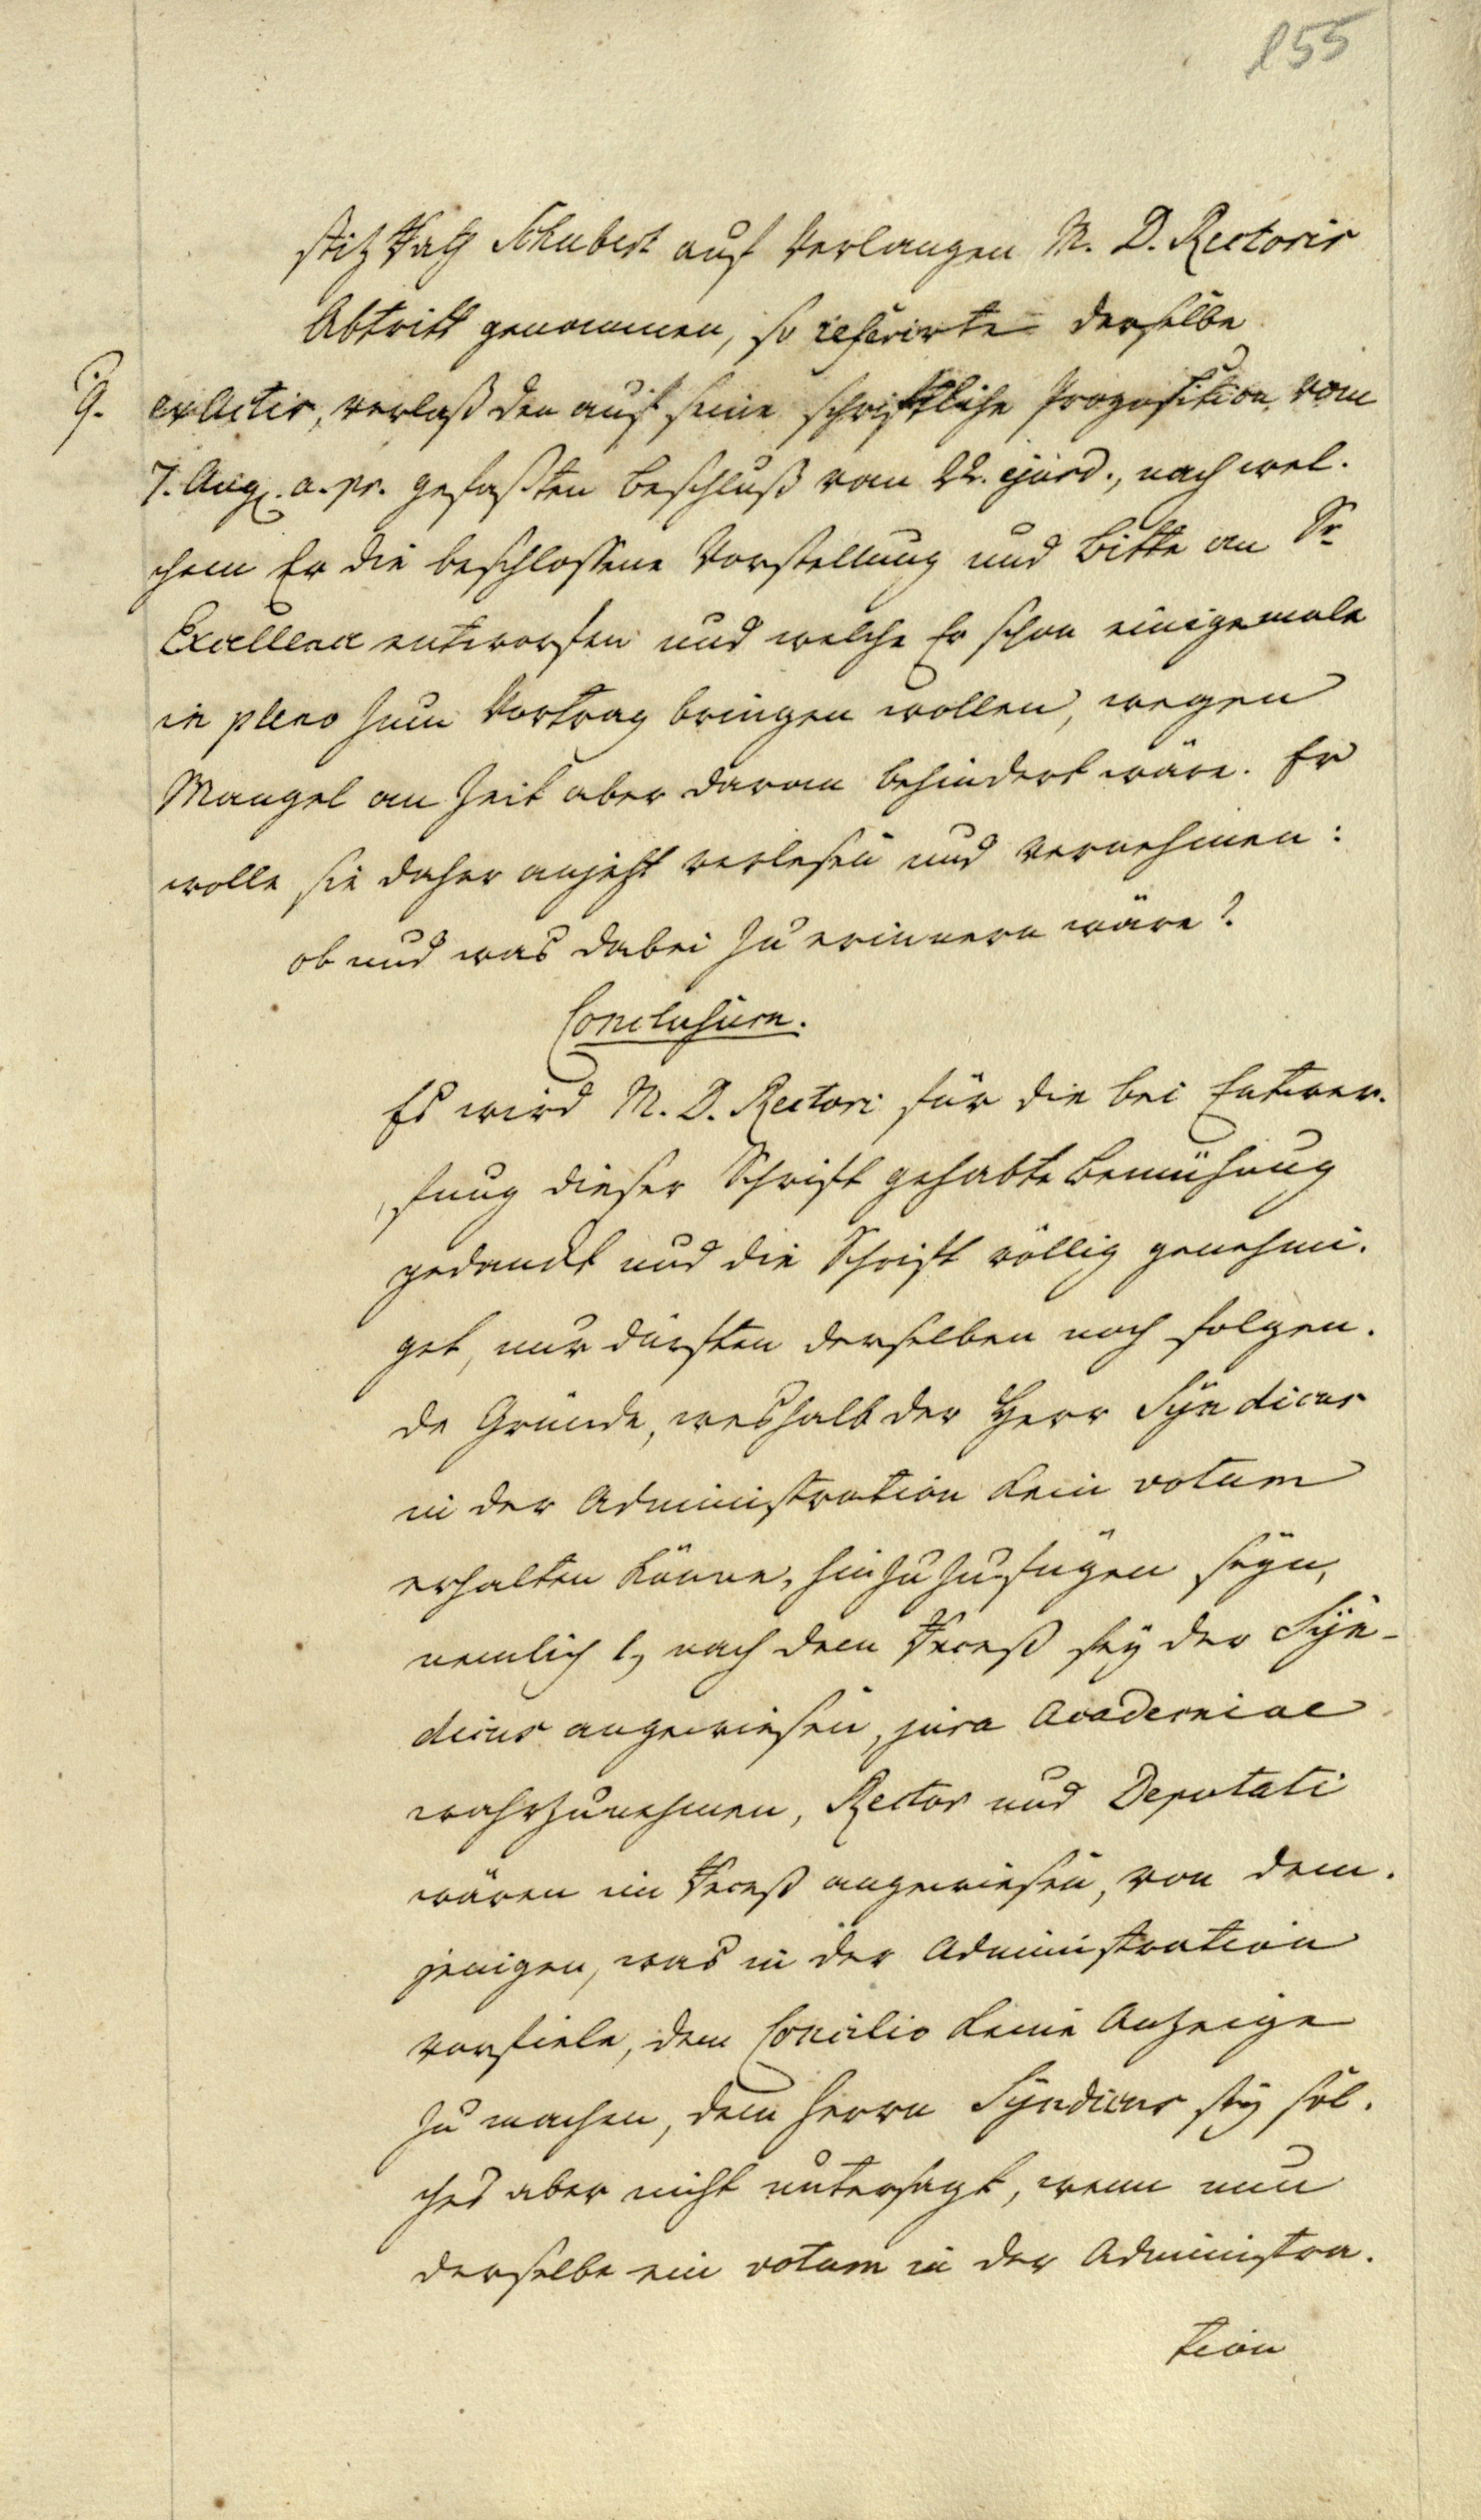stiz Rath Schubert auf Verlangen M. D. Rectoris
Abtritt genommen, so referirte derselbe
9. ex Actis, verlaß den auf seine schriftliche Proposition vom
7. Aug. a. pr. gefaßten Beschluß vom 22 ejusd., nach wel¬
chem Er die beschlossene Vorstellung und Bitte an Sr
Excellence entworfen und welche Er schon einigemale
in pleno zum Vortrag bringen wollen, wegen
Mangel an Zeit aber daran behindert wäre. Er
wolle sie daher anjetzt verlesen und vernehmen:
ob und was dabei zu erinnern wäre?
Conclusum.
Es wird M. D. Rectori für die bei Entwer¬
fung dieser Schrift gehabte Bemühung
gedanckt und die Schrift völlig genehmi¬
get, nur dürften derselben noch folgen¬
de Gründe, weshalb der Herr Sÿndicus
in der Administration kein votum
erhalten könne, hinzuzufügen seÿn,
nemlich 1., nach dem Receß seÿ der Sÿn¬
dicus angewiesen, jura Academiae
wahrzunehmen, Rector und Deputati
wären im Receß angewiesen, von dem¬
jenigen, was in der Administration
vorfiele, dem Concilio keine Anzeige
zu machen, dem Herrn Sÿndicus seÿ sol¬
ches aber nicht untersagt, wenn nun
derselbe ein votum in der Administra¬
tion